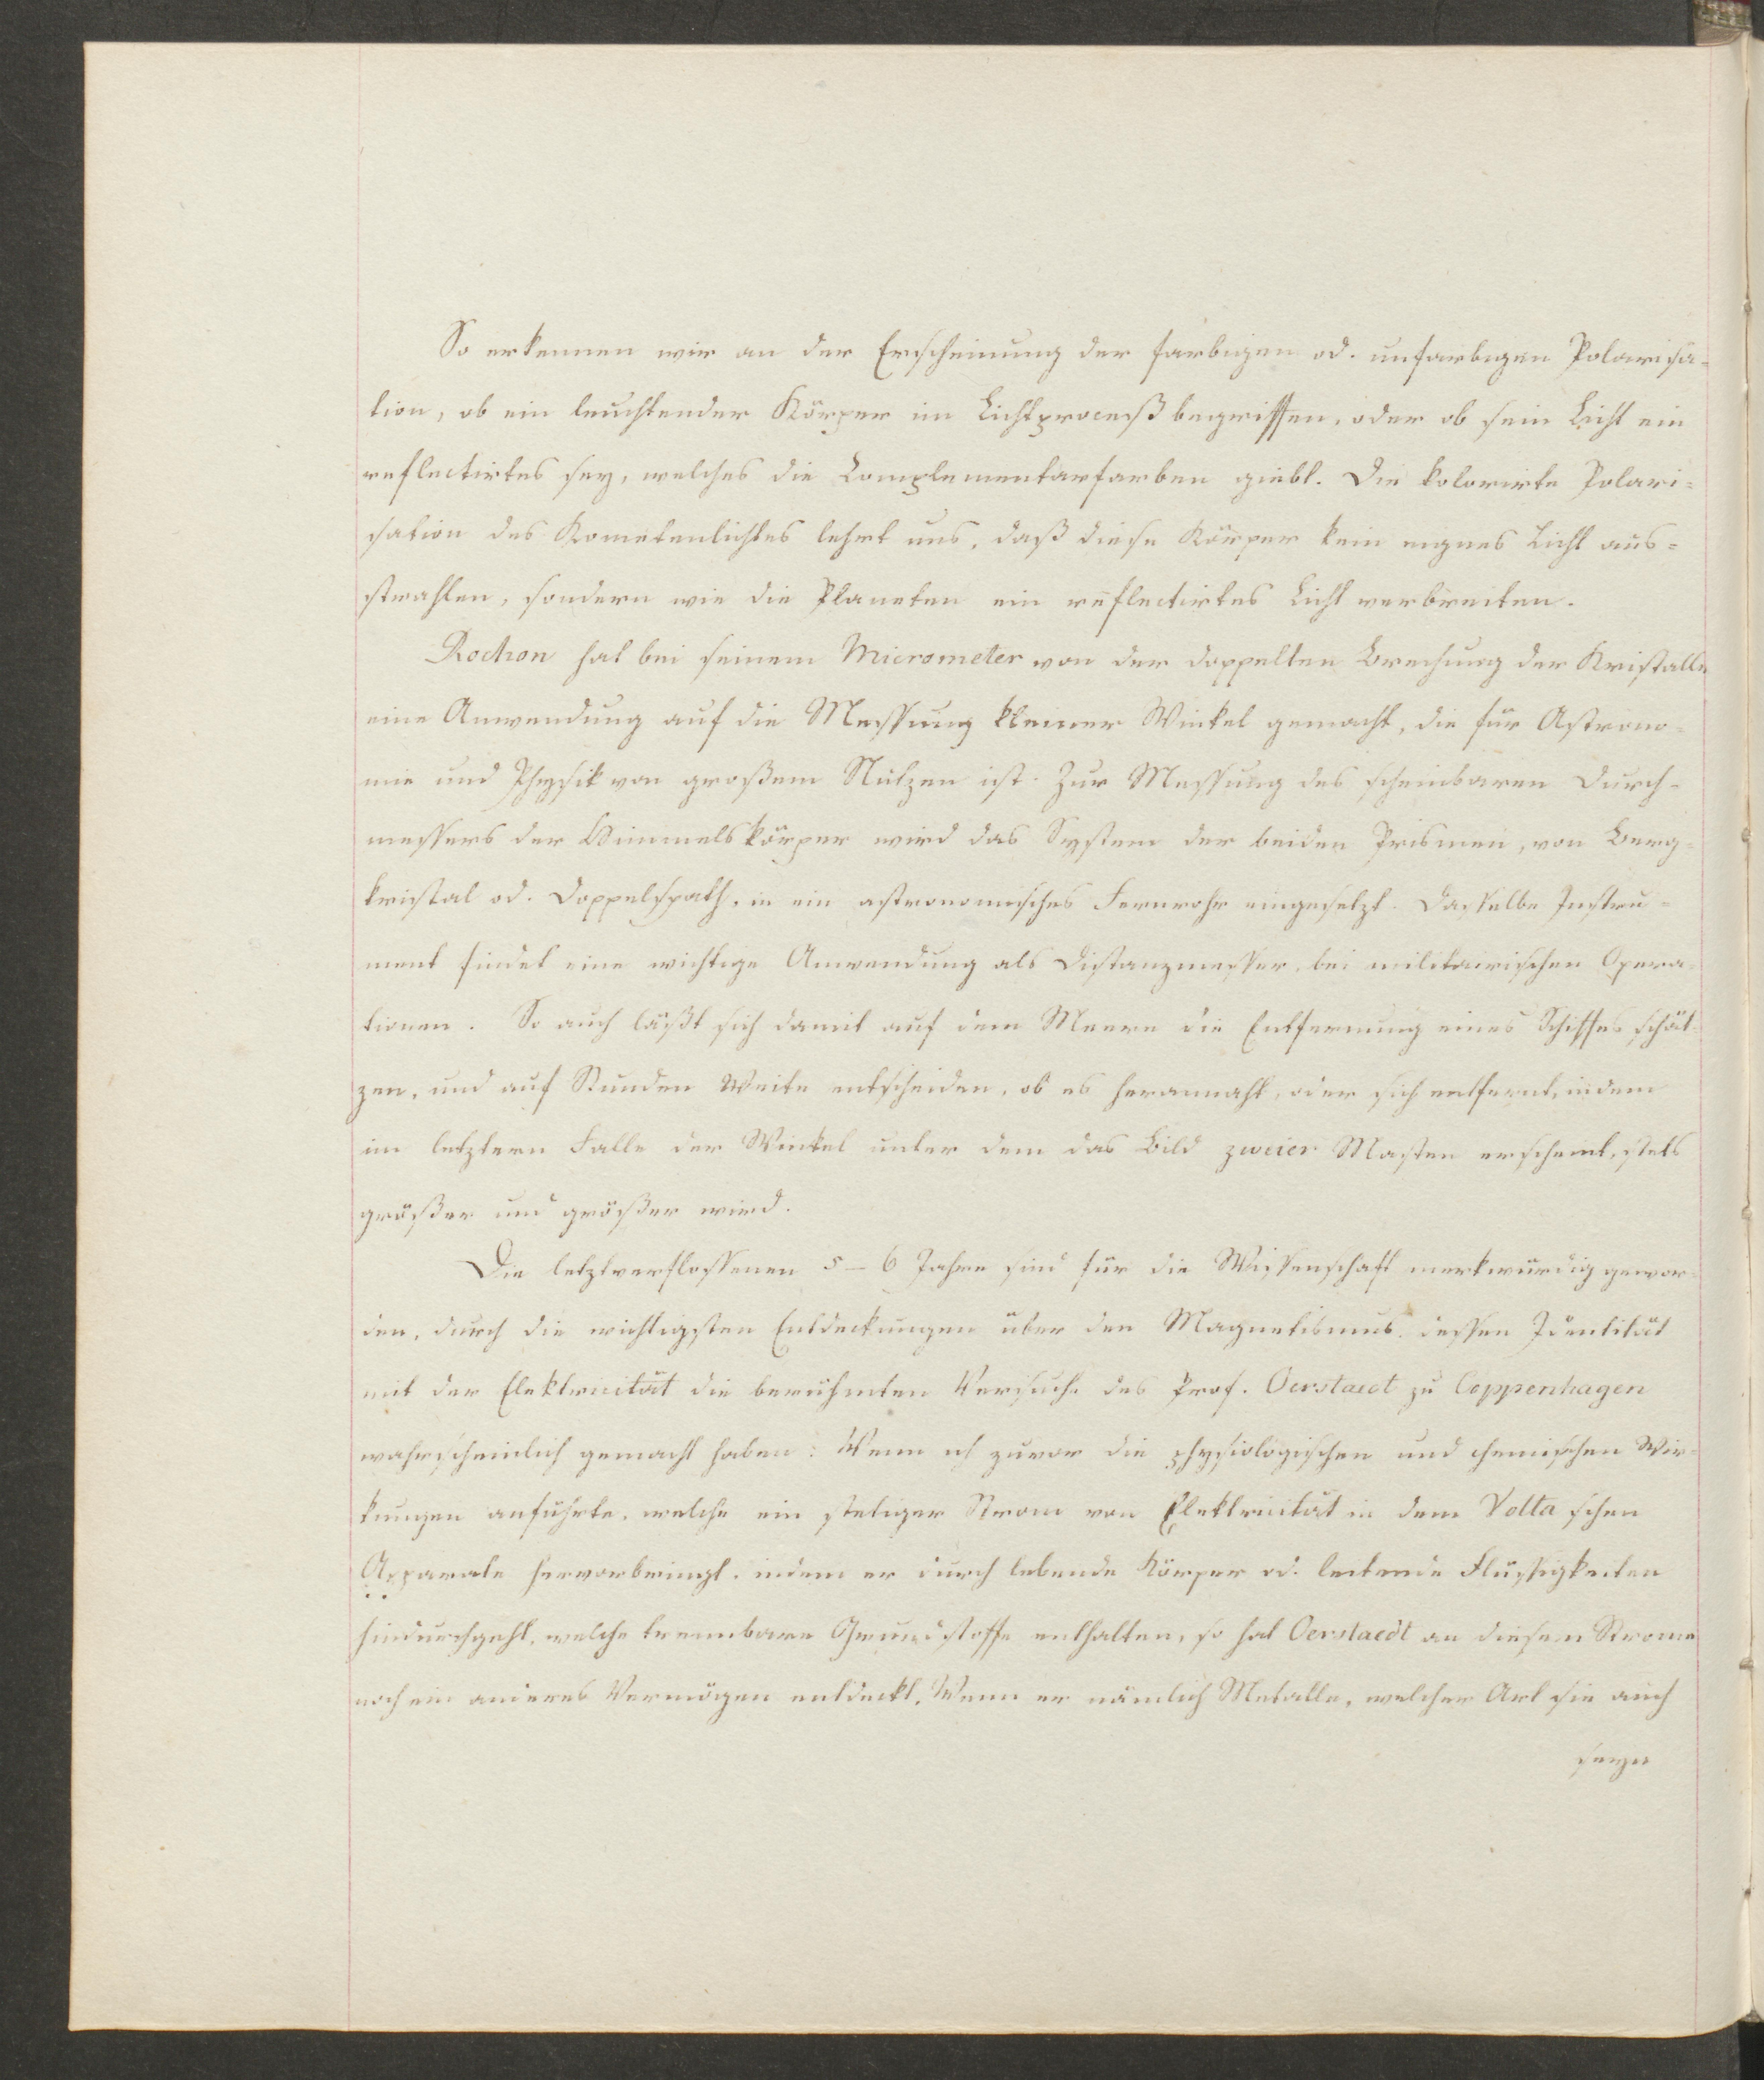So erkennen wir an der Erscheinung der farbigen od. unfarbigen Polarisa-
tion, ob ein leuchtender Körper im Lichtproceß begriffen, oder ob sein Licht ein
reflectirtes sey, welches die Complementarfarben giebt. Die kolorirte Polari-
sation des Kometenlichtes lehrt uns, daß diese Körper kein eignes Licht aus-
strahlen, sondern wie die Planeten ein reflectirtes Licht verbreiten.
Rochon hat bei seinem Micrometer von der doppelten Brechung der Kristalle
eine Anwendung auf die Messung kleiner Winkel gemacht, die für Astrono-
mie und Physik von großem Nutzen ist. Zur Messung des scheinbaren Durch-
messers der Himmelskörper wird das System der beiden Prismen, von Berg-
kristal od. Doppelspath, in ein astronomisches Fernrohr eingesetzt. Dasselbe Instru-
ment findet eine wichtige Anwendung als Distanzmesser, bei militairischen Opera-
tionen. So auch läßt sich damit auf dem Meere die Entfernung eines Schiffes schät-
zen, und auf Stunden Weite entscheiden, ob es herannaht, oder sich entfernt, indem
im letztern Falle der Winkel unter dem das Bild zweier Masten erscheint, stets
größer und größer wird.
Die letztverflossenen 5–6 Jahre sind für die Wissenschaft merkwürdig gewor-
den, durch die wichtigsten Entdeckungen über den Magnetismus, dessen Identität
mit der Elektricität die berühmten Versuche des Prof. Oerstaedt zu Coppenhagen
wahrscheinlich gemacht haben. Wenn ich zuvor die physiologischen und chemischen Wir-
kungen anführte, welche ein stetiger Strom von Elektricität in dem Voltaschen
Apparate hervorbringt, indem er durch lebende Körper od. leitende Flüssigkeiten
hindurchgeht, welche trennbare Grundstoffe enthalten, so hat Oerstaedt an Strome
noch ein anderes Vermögen entdeckt. Wenn er nämlich Metalle, welcher Art sie auch
seyn